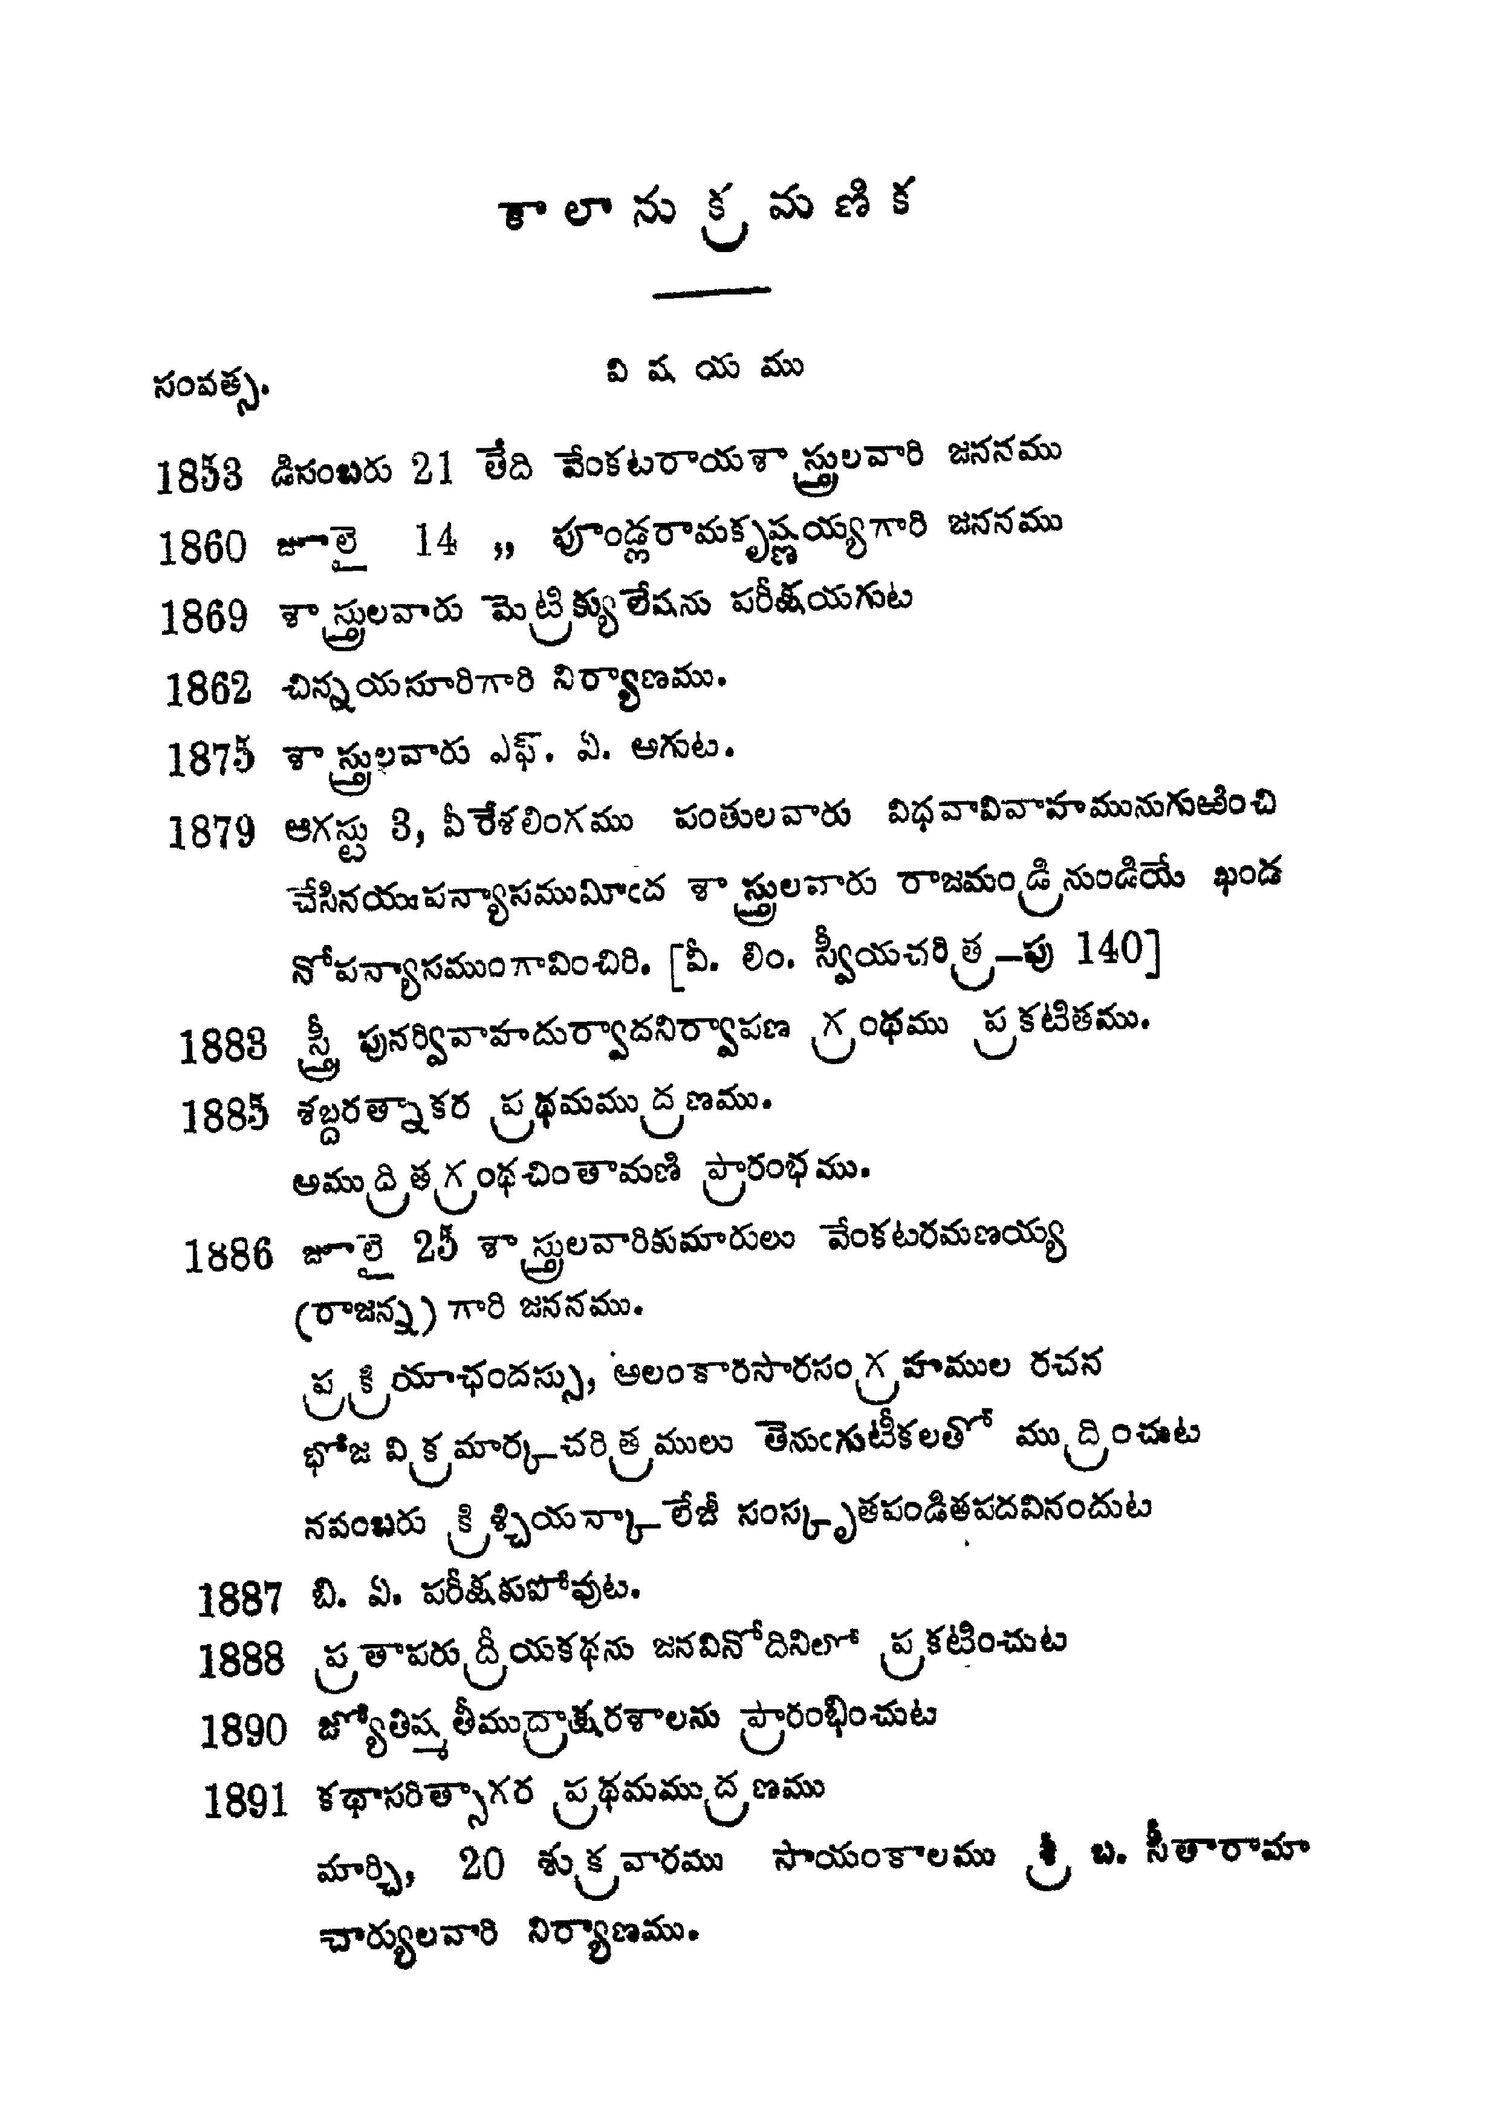1853 డిసెంబ్రు 21 తేది వేంకటరాయశాస్త్రులవారి జననము

1860 జూలై 14 తేది పూడ్ల రామకృష్ణయ్యగారి జననము

1869 శాస్త్రులవారు మెట్రిక్యులేషను పరీక్షయగుట

1862 చిన్నయసూరిగారి నిర్యాణము.

1875 శాస్త్రులవారు ఎఫ్. ఏ. అగుట.

1879 ఆగస్టు 3, వీరేశలింగము పంతులువారు విధవావివాహమును గురించి చేసిన యుపన్యాసము మిద శాస్త్రులవారు రాజమండ్రినుండియే ఖండనోపన్యాసముంగావించిరి. [వీ. లిం. స్వీయచరిత్ర -పు 140]

1883 స్త్రీ పునర్వివాహ దుర్వాదనిర్వాపణ గ్రంథము ప్రకటితము.

1885 శబ్దరత్నాకర ప్రథమ ముద్రణము.

ఆముద్రితగ్రంథచింతామణి ప్రారంభము.

1886 జూలై 25 శాస్త్రులవారి కుమారులు వేంకటరమణయ్య (రాజన్న) గారి జననము.

ప్రక్రియా ఛందస్సు, అలంకారసారసంగ్రహముల రచన

భోజవిక్రమార్క చరిత్రములు తెనుగుటీకలతో ముద్రించుట

నవంబరు క్రిశ్చియన్కాలేజీ సంస్కృతపండిత పదవినందుట

1887 బి. ఏ. పరీక్షకుపోవుట.

1888 ప్రతాపరుద్రీయకథను జనవినోదినిలో బ్రకటించుట

1890 జ్యోతిష్మతీ ముద్రాక్షరశాలను ప్రారంభించుట

1891 కథాసరిత్సాగర ప్రథమముద్రణము

మార్చి, 20 శుక్రవారము సాయంకాలము శ్రీ. బ. సీతారామాచార్యులవారి నిర్యాణము.